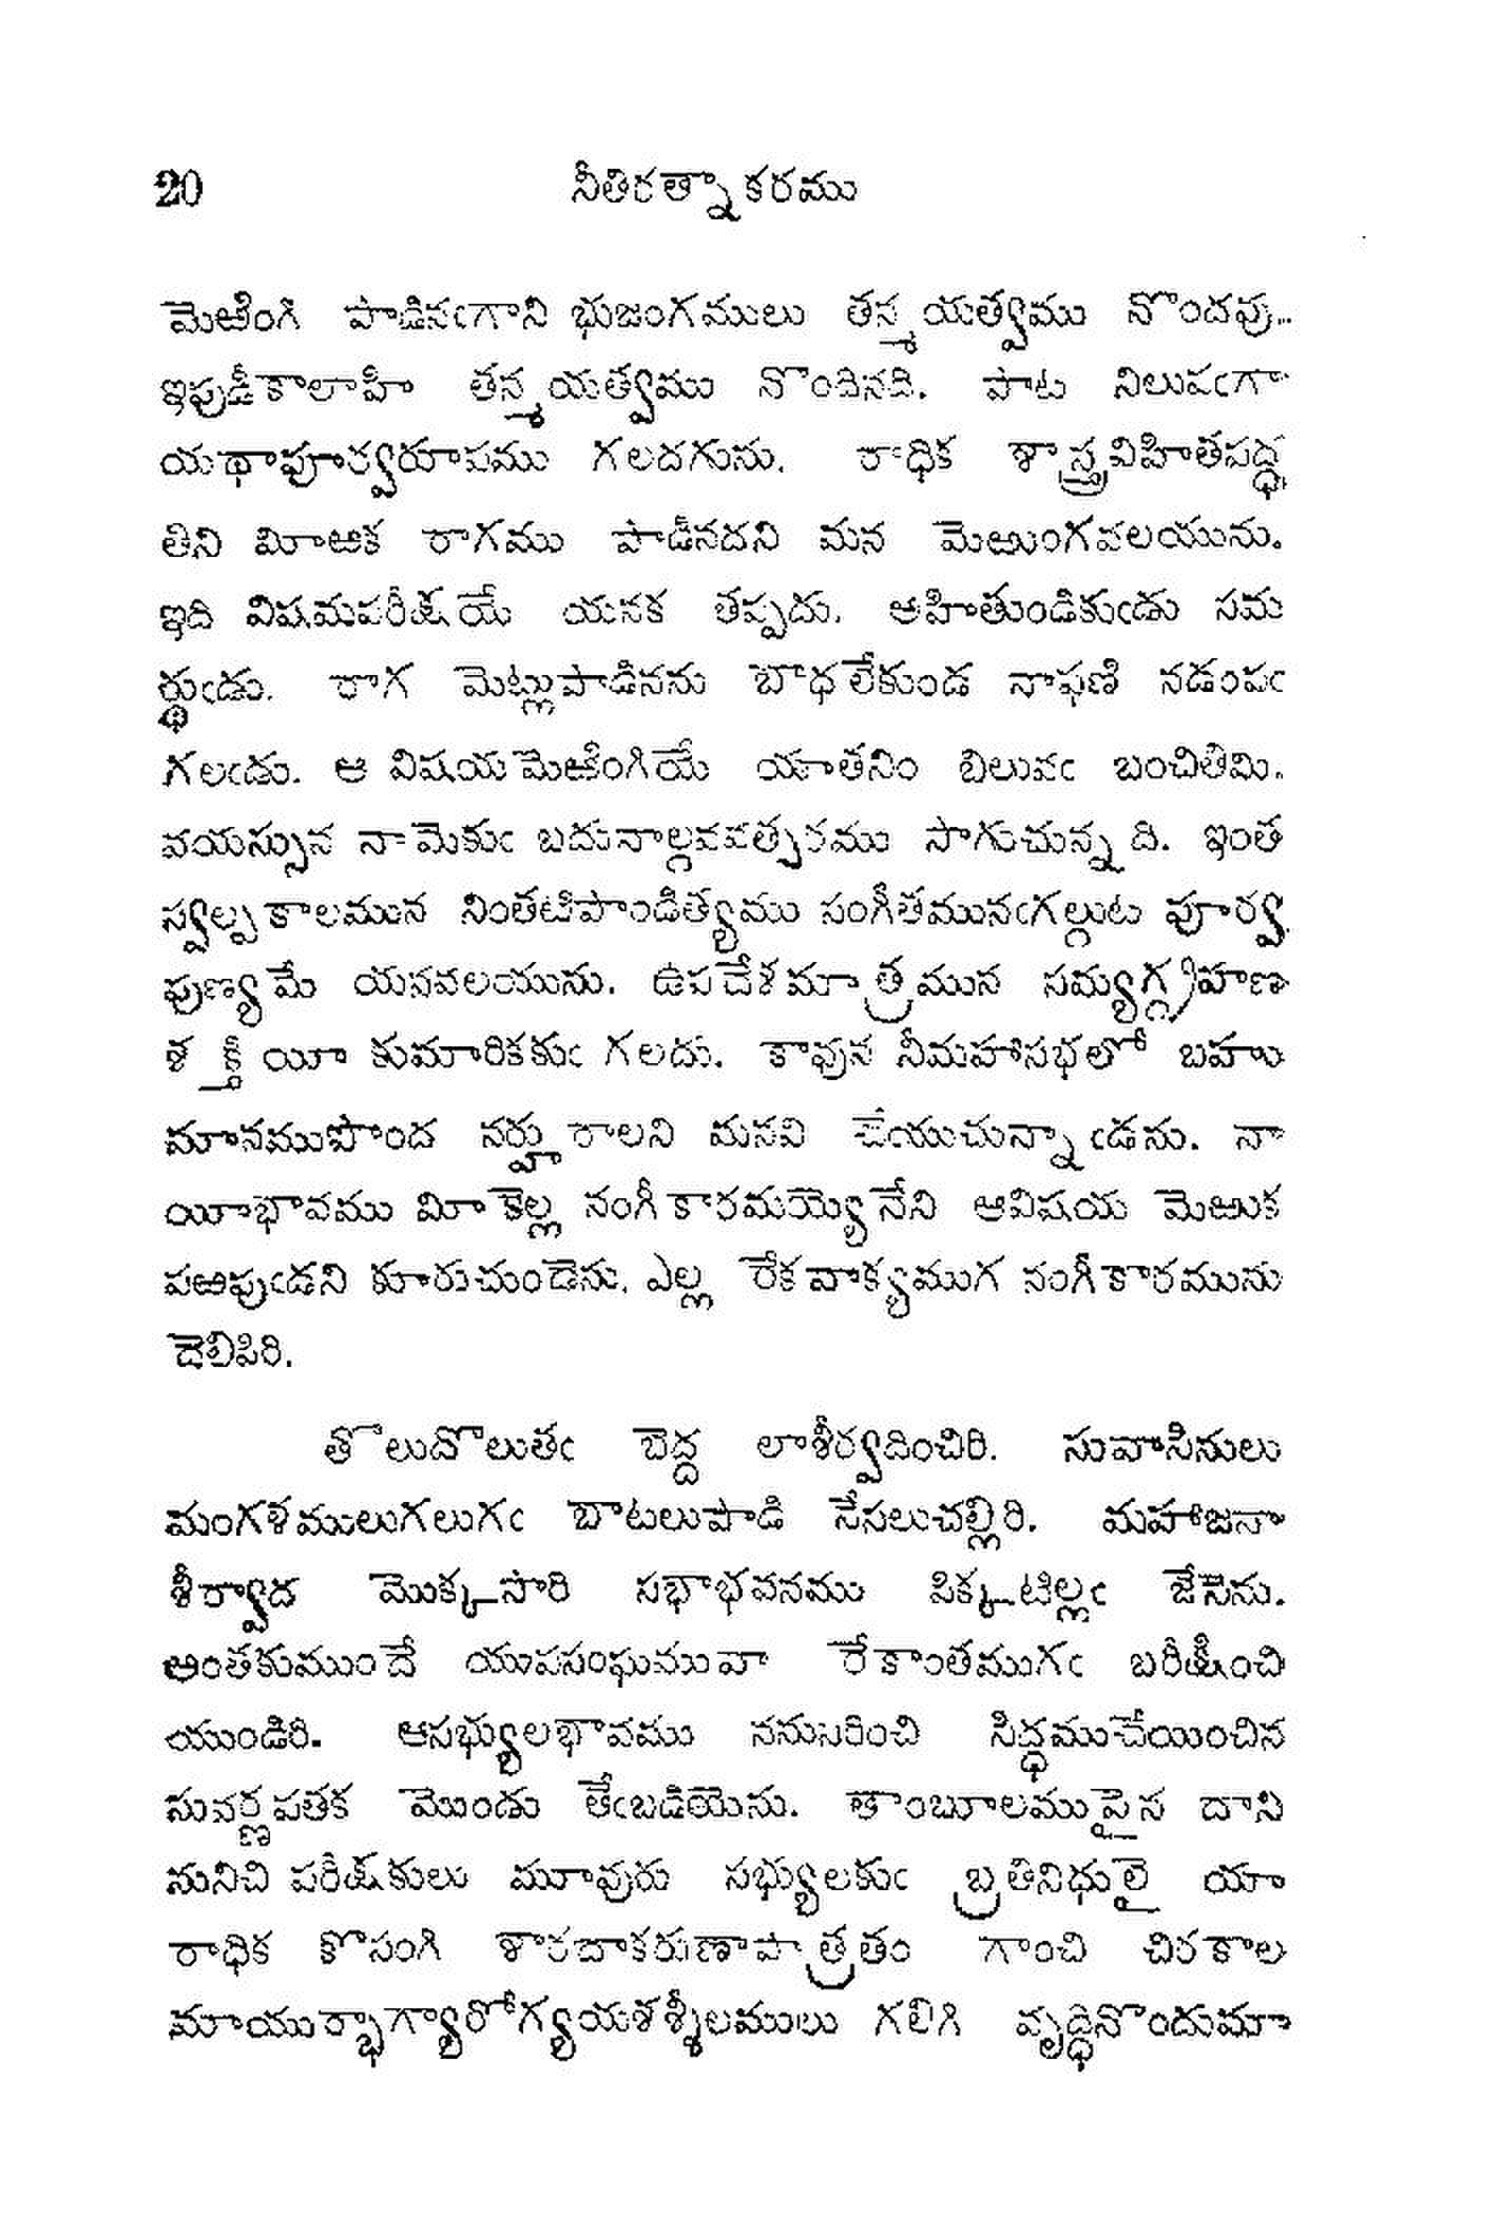మెఱింగి పాడినఁగాని భుజంగములు తన్మయత్వము నొందవు. ఇపుడీ కాలాహి తన్మయత్వము నొందినది. పాట నిలుపఁగా యథాపూర్వరూపము గలదగును. రాధిక శాస్త్ర విహితపద్ధతిని మీఱక రాగము పాడినదని మన మెఱుంగవలయును. ఇది విషమపరీక్షయే యనక తప్పదు. అహితుండికుఁడు సమర్ధుడు. రాగ మెట్లు పాడినను బాధ లేకుండ నాఫణి నడంపఁ గలఁడు. ఆ విషయ మెఱింగియే యాతనిం బిలువఁ బంచితిమి. వయస్సున నామెకుఁ బదునాల్గవవత్సరము సాగుచున్నది. ఇంత స్వల్పకాలమున నింతటి పాండిత్యము సంగీతమునఁగల్గుట పూర్వ పుణ్యమే యనవలయును. ఉపదేశమాత్రమున సమ్యగ్ద్రహణ శక్తి యీ కుమారికకుఁ గలదు. కావున నీమహాసభలో బహుమానము పొంద నర్హురాలని మనవి చేయుచున్నాఁడను. నా యీభావము మీకెల్ల నంగీకారమయ్యెనేని ఆవిషయ మెఱుక పఱపుఁడని కూరుచుండెను. ఎల్ల రేక వాక్యముగ నంగీ కారమును దెలిపిరి.

తొలుదొలుతం బెద్ద లాశీర్వదించిరి. సువాసినులు మంగళములుగలుగఁ బాటలుపాడి సేసలు చల్లిరి. మహాజనా శీర్వాద మొక్కసారి సభాభవనము పిక్కటిల్లఁ జేసెను. అంతకుముందే యుపసంఘమువా రేకాంతముగఁ బరీక్షించి యుండిరి. ఆసభ్యులభావము ననుసరించి సిద్ధముచేయించిన సువర్ణపతక మొండు తేఁబడియెను. తాంబూలముపైన దాని నునిచి పరీక్షకులు మూవురు సభ్యులకుఁ బ్రతినిధులై యా రాధిక కొసంగి శారదాకరుణాపాత్రతం గాంచి చిరకాల మాయు ర్భాగ్యారోగ్యయశశ్శీలములు గలిగి వృద్ధినొందుమా